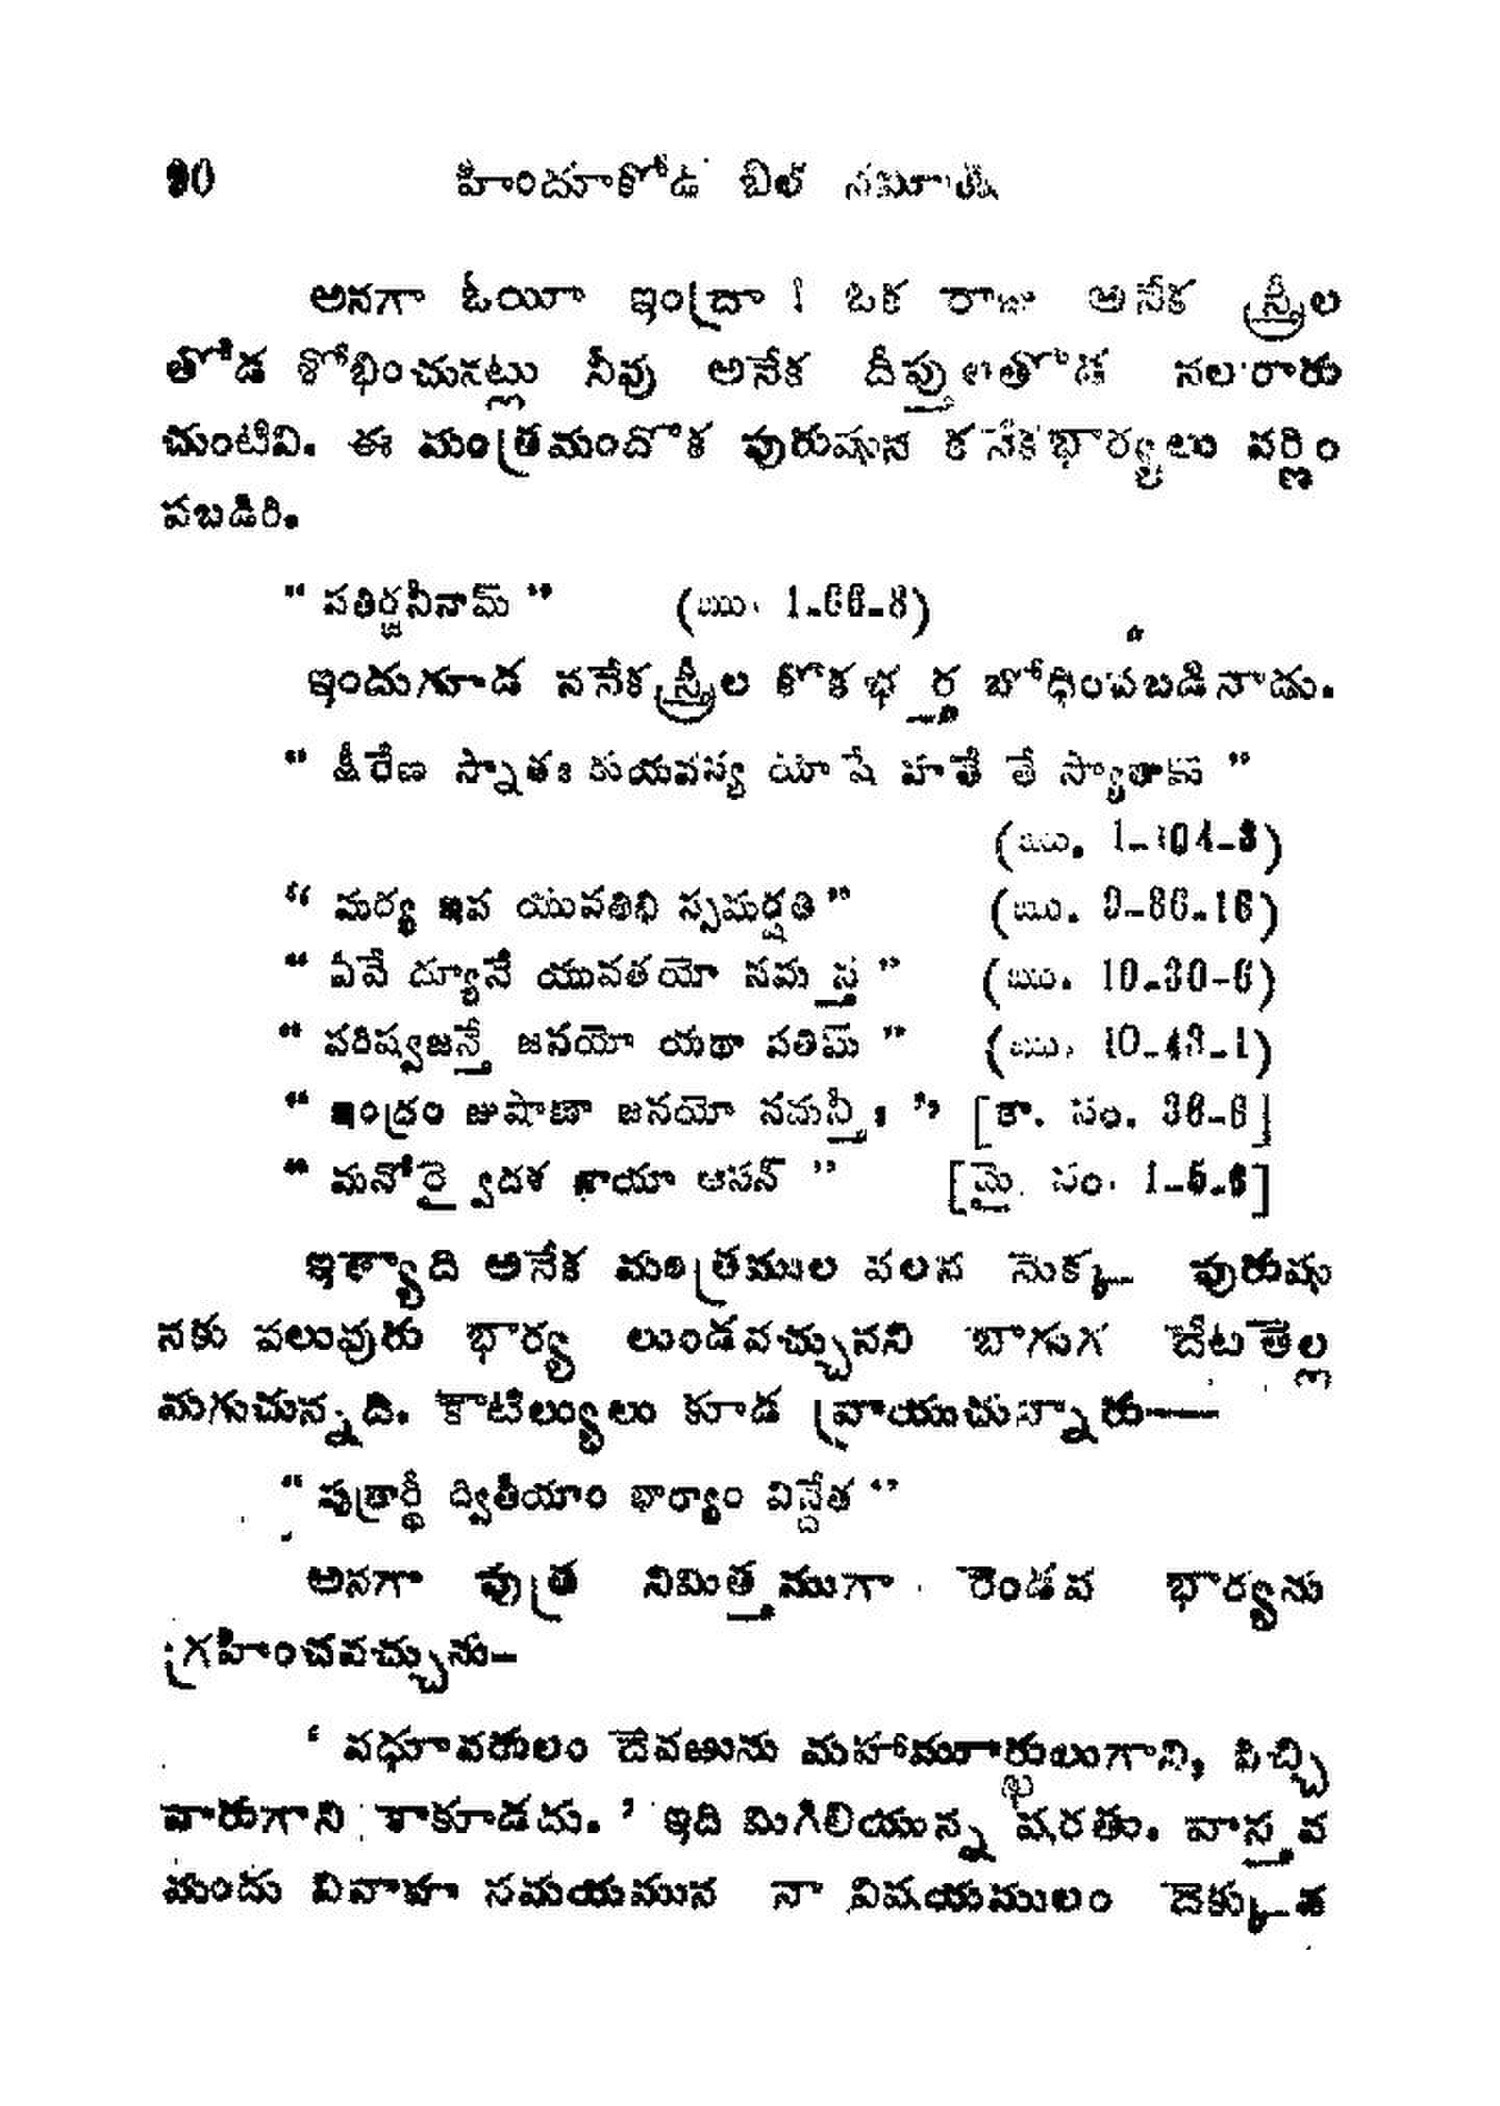అనగా ఓయీ ఇంద్రా ! ఒక రాజు అనేక స్త్రీల
తోడ శోభించునట్లు నీవు అనేక దీప్తులతోడ నలరారు
చుంటివి. ఈ మంత్రమందోక పురుషున కనేకభార్యలు 
వర్ణింపబడిరి.

"పతిర్జనీనామ్ 
 (ఋ. 1.66-8)

ఇందుగూడ ననేక స్త్రీల కొకభర్త బోధించబడినాడు.

"క్షీరేణ స్నాతః కుయవస్య యోషే హతే తే స్యాతామ్" 
 (ఋ. 1_104–3)
"మర్య ఇవ యువతిభి స్సమర్షతి” 
 (ఋ. 9-86-16)
"ఏవే ద్యూనే యువతయో సమస్త" 
 (ఋ. 10-30-6)
"పరిష్వజన్తే జనయో యథా పతిమ్" 
 (ఋ.10-43-1)
"ఇంద్రం జుషాణా జనయో నమన్తీ" 
 [కా.సం.36-6]
"మనోర్వైదశ శాయా ఆసన్" 
 [మై.సం.1-5-6]

ఇత్యాది అనేక మంత్రముల వలన నొక్క పురుషునకు 
పలువురు భార్య లుండవచ్చునని బాగుగ దేటతెల్ల
మగుచున్నది. కౌటిల్యులు కూడ వ్రాయుచున్నారు---

"పుత్రార్థీ ద్వితీయాం భార్యాం విన్దేత"

అనగా పుత్ర నిమిత్తముగా రెండవ భార్యను
గ్రహించవచ్చును-

వధూవరులం దెవఱును మహామూర్ఖులుగాని, పిచ్చి
వారుగాని కాకూడదు. ఇది మిగిలియున్న షరతు. వాస్తవ
మందు వివాహ సమయమున నా విషయములం దెక్కువ